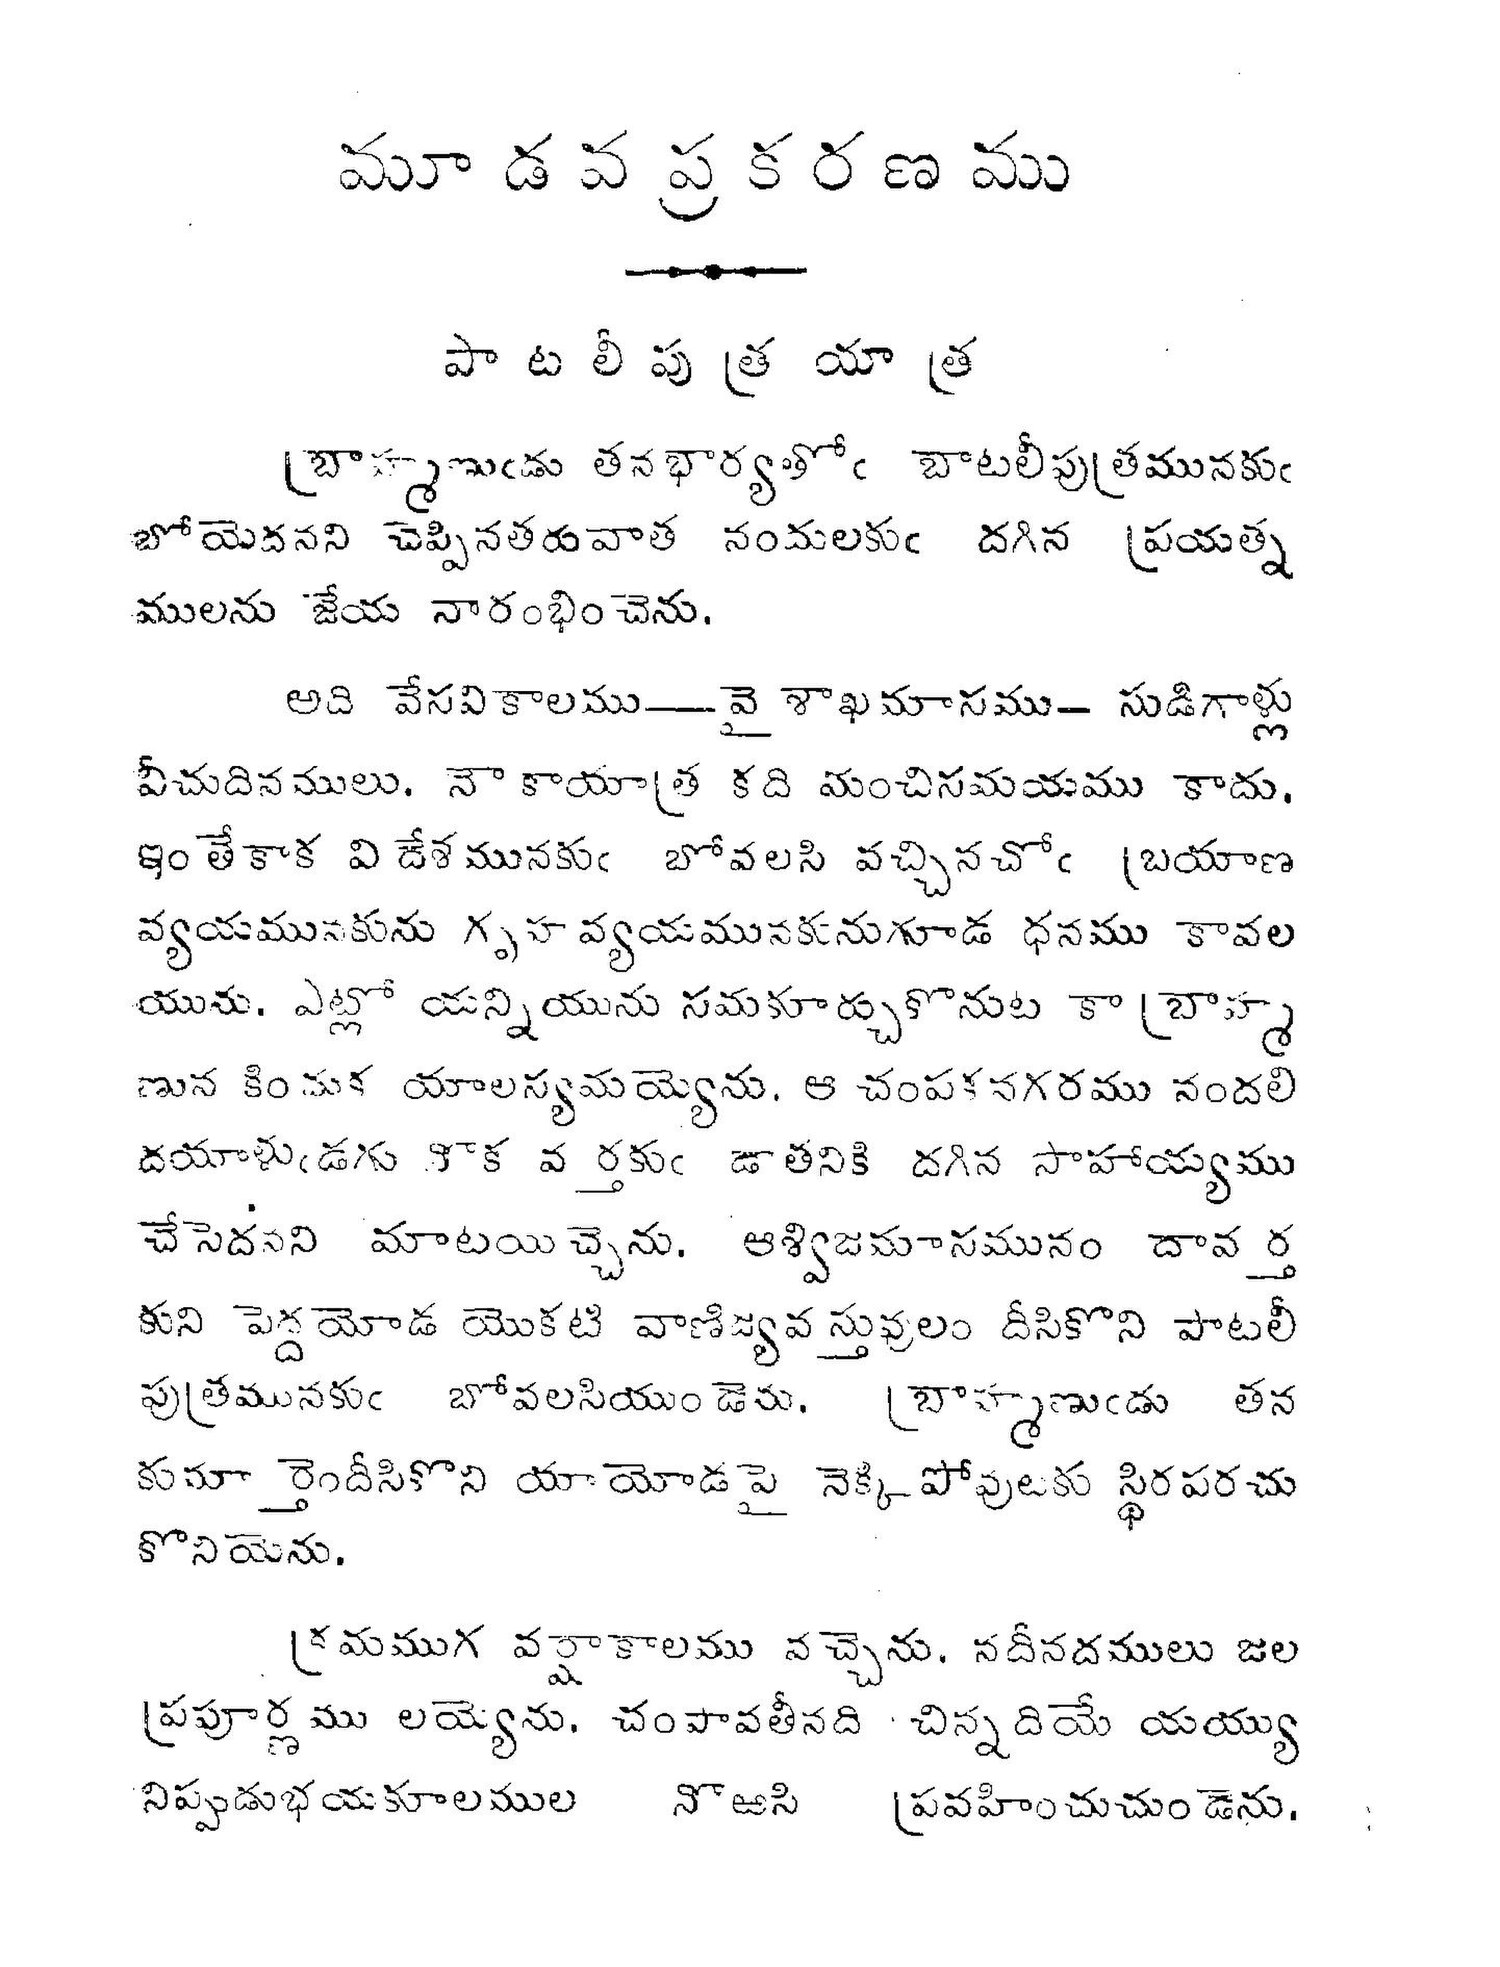బ్రాహ్మణుఁడు తన భార్యతోఁ బాటలీపుత్రమునకుఁ బోయెదనని చెప్పినతరువాత నందులకుఁ దగిన ప్రయత్నములను జేయ నారంభించెను.

అది వేసవి కాలము.— వై శాఖ మాసము - సుడిగాళ్లు వీచుదినములు. నౌకాయాత్ర కది నుంచి సమయము కాదు. ఇంతేకాక విదేశమునకుఁ బోవలసి వచ్చినచోఁ బ్రయాణ వ్యయమునకును గృహ వ్యయమునకునుగూడ ధనము కావలయును. ఎట్లో యన్నీయును సమకూర్చుకొనుట కా బ్రాహ్మణున కించుక యాలస్యమయ్యెను. ఆ చంపక నగరము నందలి దయాళుఁడగు నోక వర్తకుఁ డాతనికి దగిన సాహాయ్యము చేసెదనని మాటయిచ్చెను. అశ్విజమాసమునం దావర్తకుని పెద్ద యోడ యొకటి వాణిజ్యవస్తువులు దీసికొని పాటలీపుత్రమునకుఁ బోవలసియుండెను. భాహ్మణుఁడు తన కుమారైందీసికొని యా యోడ పై నెక్కి పోవుటకు స్థిరపరచు కొనియెను.

క్రమముగ వర్షాకాలము వచ్చెను. నదీనదములు జల ప్రపూర్ణము లయ్యెను. చంపావతీనది చిన్నదియే యయ్యు నిప్పుడుభయకూలముల నోఱసి ప్రవహించుచుండెను.